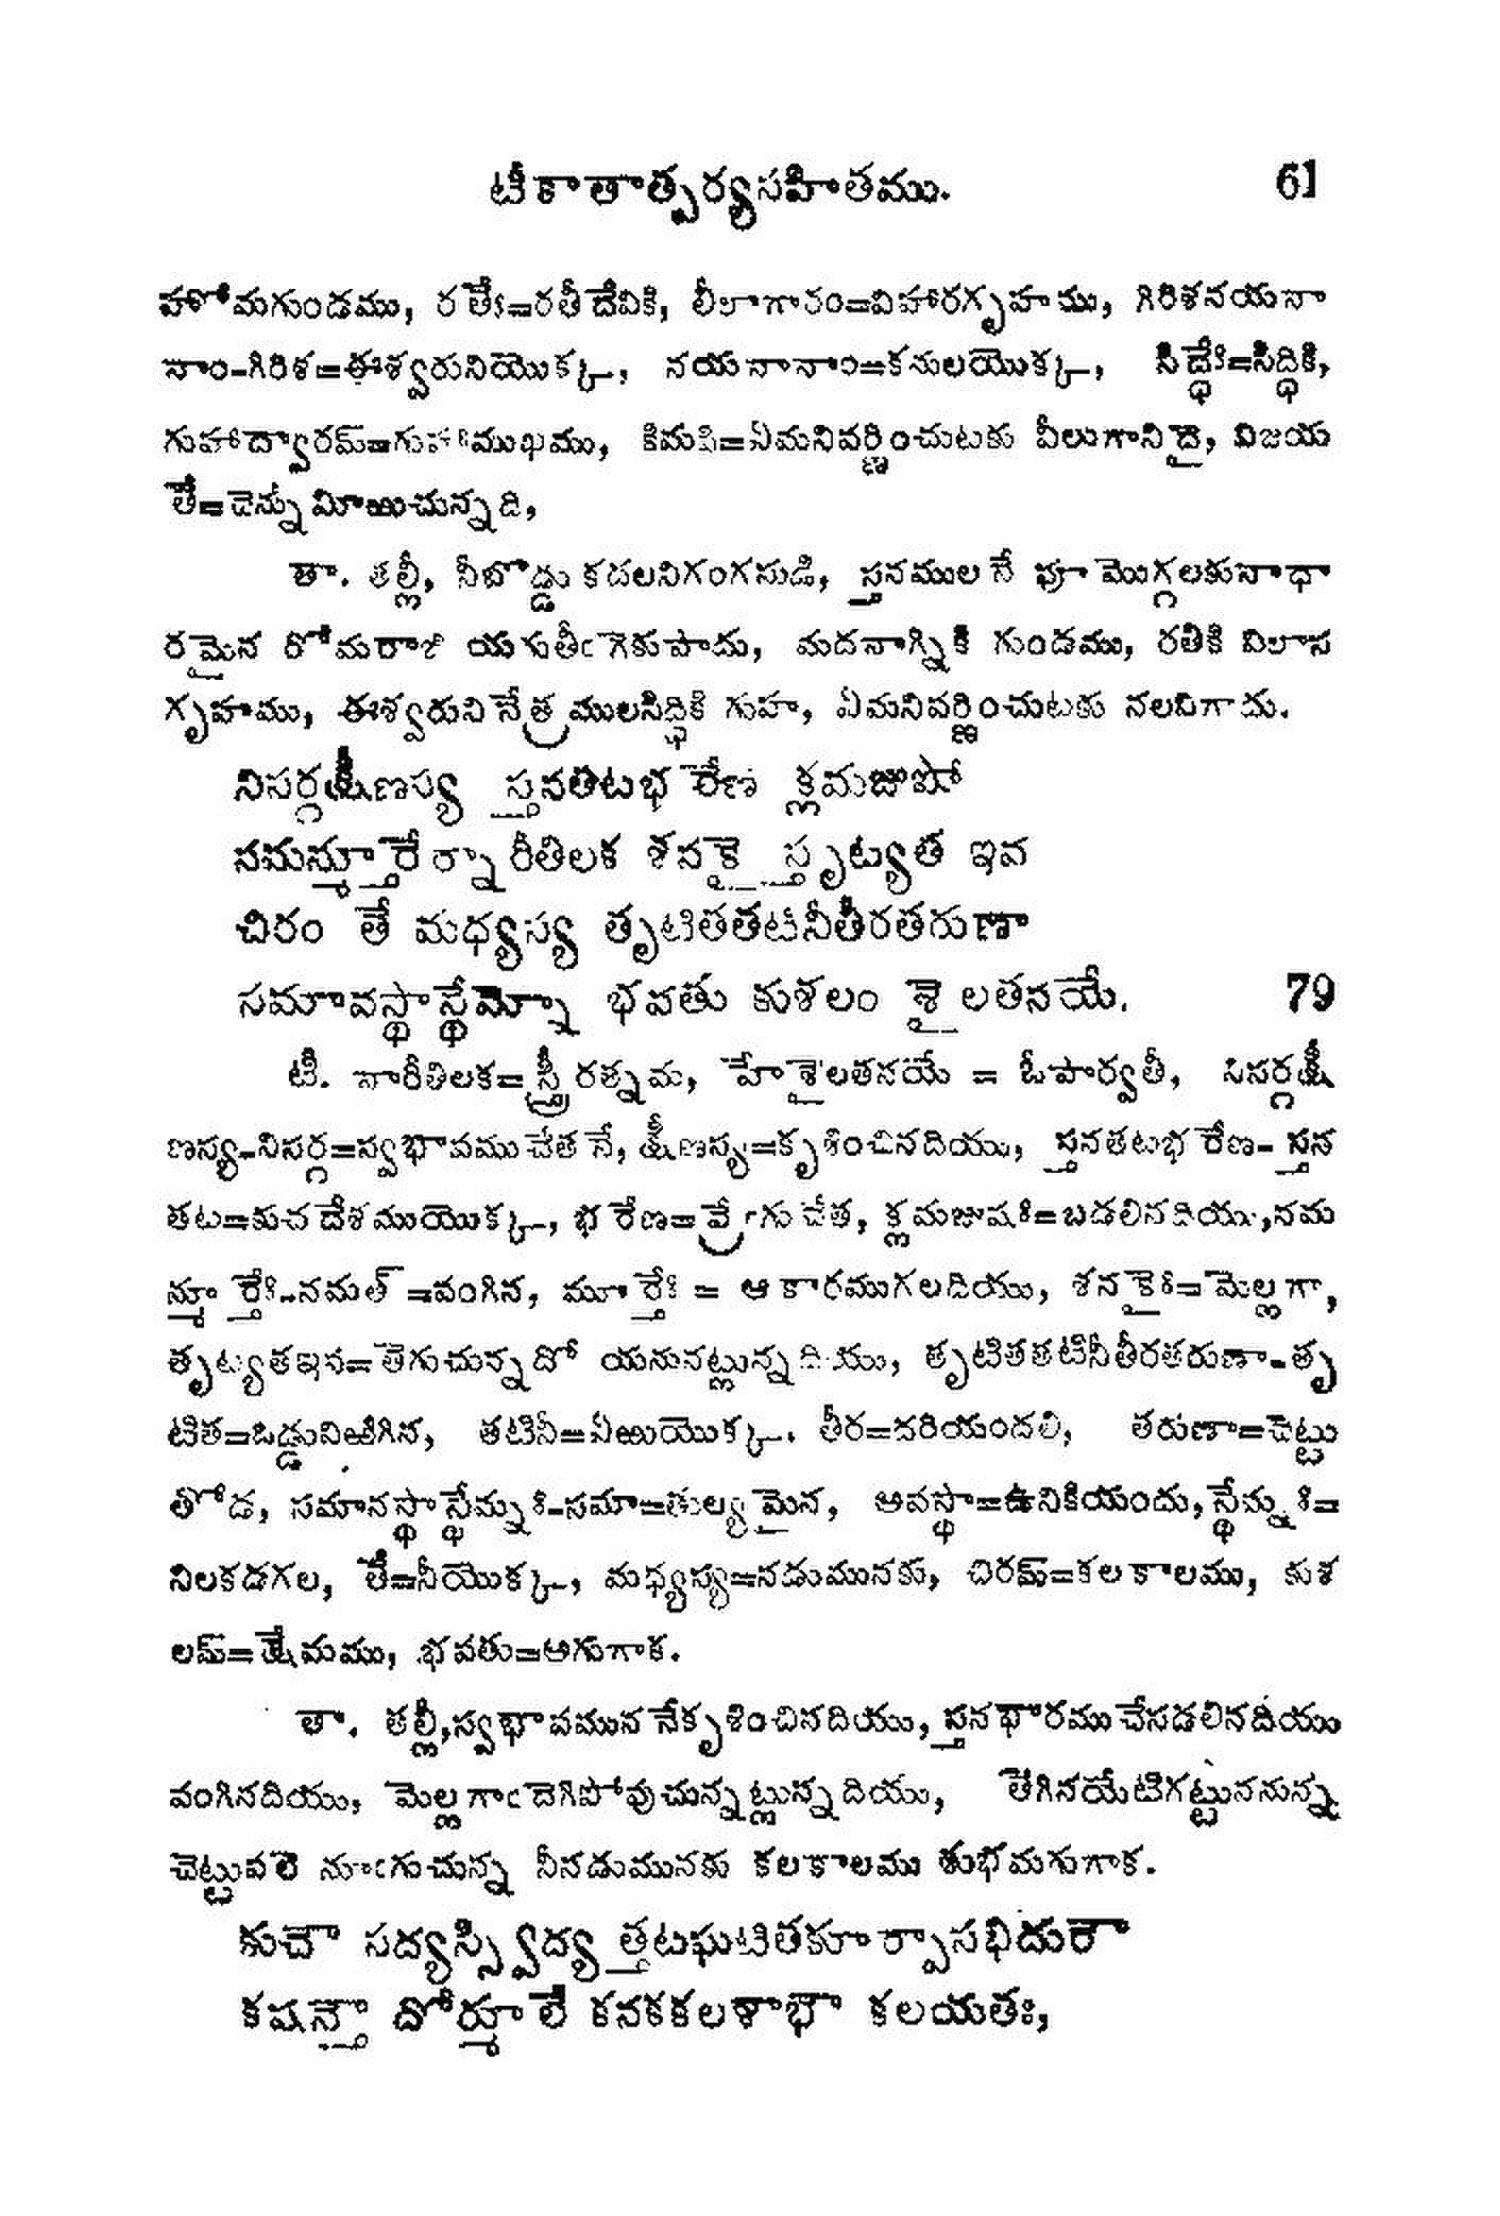హోమగుండము, రతేః = రతీదేవికి, లీలాగారం = విహారగృహము, గిరిశనయనానాం-గిరీశ = ఈశ్వరునియొక్క, నయనానాం = కనులయొక్క, సిద్ధేః = సిద్ధికి, గుహాద్వారమ్ = గుహాముఖము, కిమపి = ఏమనివర్ణించుటకు వీలుగానిదై, విజయతే = దెన్నుమీఱుచున్నది,

తా. తల్లీ, నీబొడ్డు కదలనిగంగసుడి, స్తనములనే పూ మొగ్గలకునాధారమైన రోమరాజి యగుతీఁగెకుపాదు, మదనాగ్నికి గుండము, రతికి విలాస గృహము, ఈశ్వరునినేత్రములసిద్ధికి గుహ, ఏమనివర్ణించుటకు నలవిగాదు.

నిసర్గక్షీణస్య స్తనతటభరేణ క్లమజుషో
నమన్మూర్తేర్నారీతిలక శనకైస్తృట్యత ఇవ
చిరం తే మధ్యస్య తృటితతటినీతీరతరుణా
సమావస్థాన్థేమ్నో భవతు కుశలం శైలతనయే. 79
టీ. నారీతిలక = స్త్రీరత్నమ, హేశైలతనయే = ఓపార్వతీ, నిసర్గక్షీణస్య-నిసర్గ = స్వభావముచేతనే, క్షీణస్య = కృశించినదియు, స్తనతటభరేణ-స్తనతట = కుచదేశముయొక్క, భరేణ = వ్రేఁగుచేత, క్లమజుషః = బడలినదియు, నమన్మూర్తేః-నమత్ = వంగిన, మూర్తేః = ఆకారముగలదియు, శనకైః = మెల్లగా, తృట్యతఇవ = తెగుచున్నదో యనునట్లున్నదియు, తృటితతటినీతీరతరుణా-తృటిత = ఒడ్డువిఱిగిన, తటినీ = ఏఱుయొక్క, తీర = దరియందలి, తరుణా = చెట్టుతోడ, సమానస్థాన్థేమ్నః-సమా = తుల్యమైన, అవస్థా =ఉనికియందు, న్థేమ్నః = నిలకడగల, తే = నీయొక్క, మధ్యస్య = నడుమునకు, చిరమ్ = కలకాలము, కుశలమ్ = క్షేమము, భవతు = అగుగాక.

తా. తల్లీ, స్వభావముననేకృశించినదియు, స్తనభారముచేసడలినదియు వంగినదియు, మెల్లగాఁదెగిపోవుచున్నట్లున్నదియు, తెగినయేటిగట్టుననున్న చెట్టువలె నూఁగుచున్న నీనడుమునకు కలకాలము శుభమగుగాక.

కుచౌ సద్యస్స్విద్యత్తటఘటితకూర్పాసభిదురౌ
కషన్తౌ దోర్మూలే కనకకలశాభౌ కలయతః,